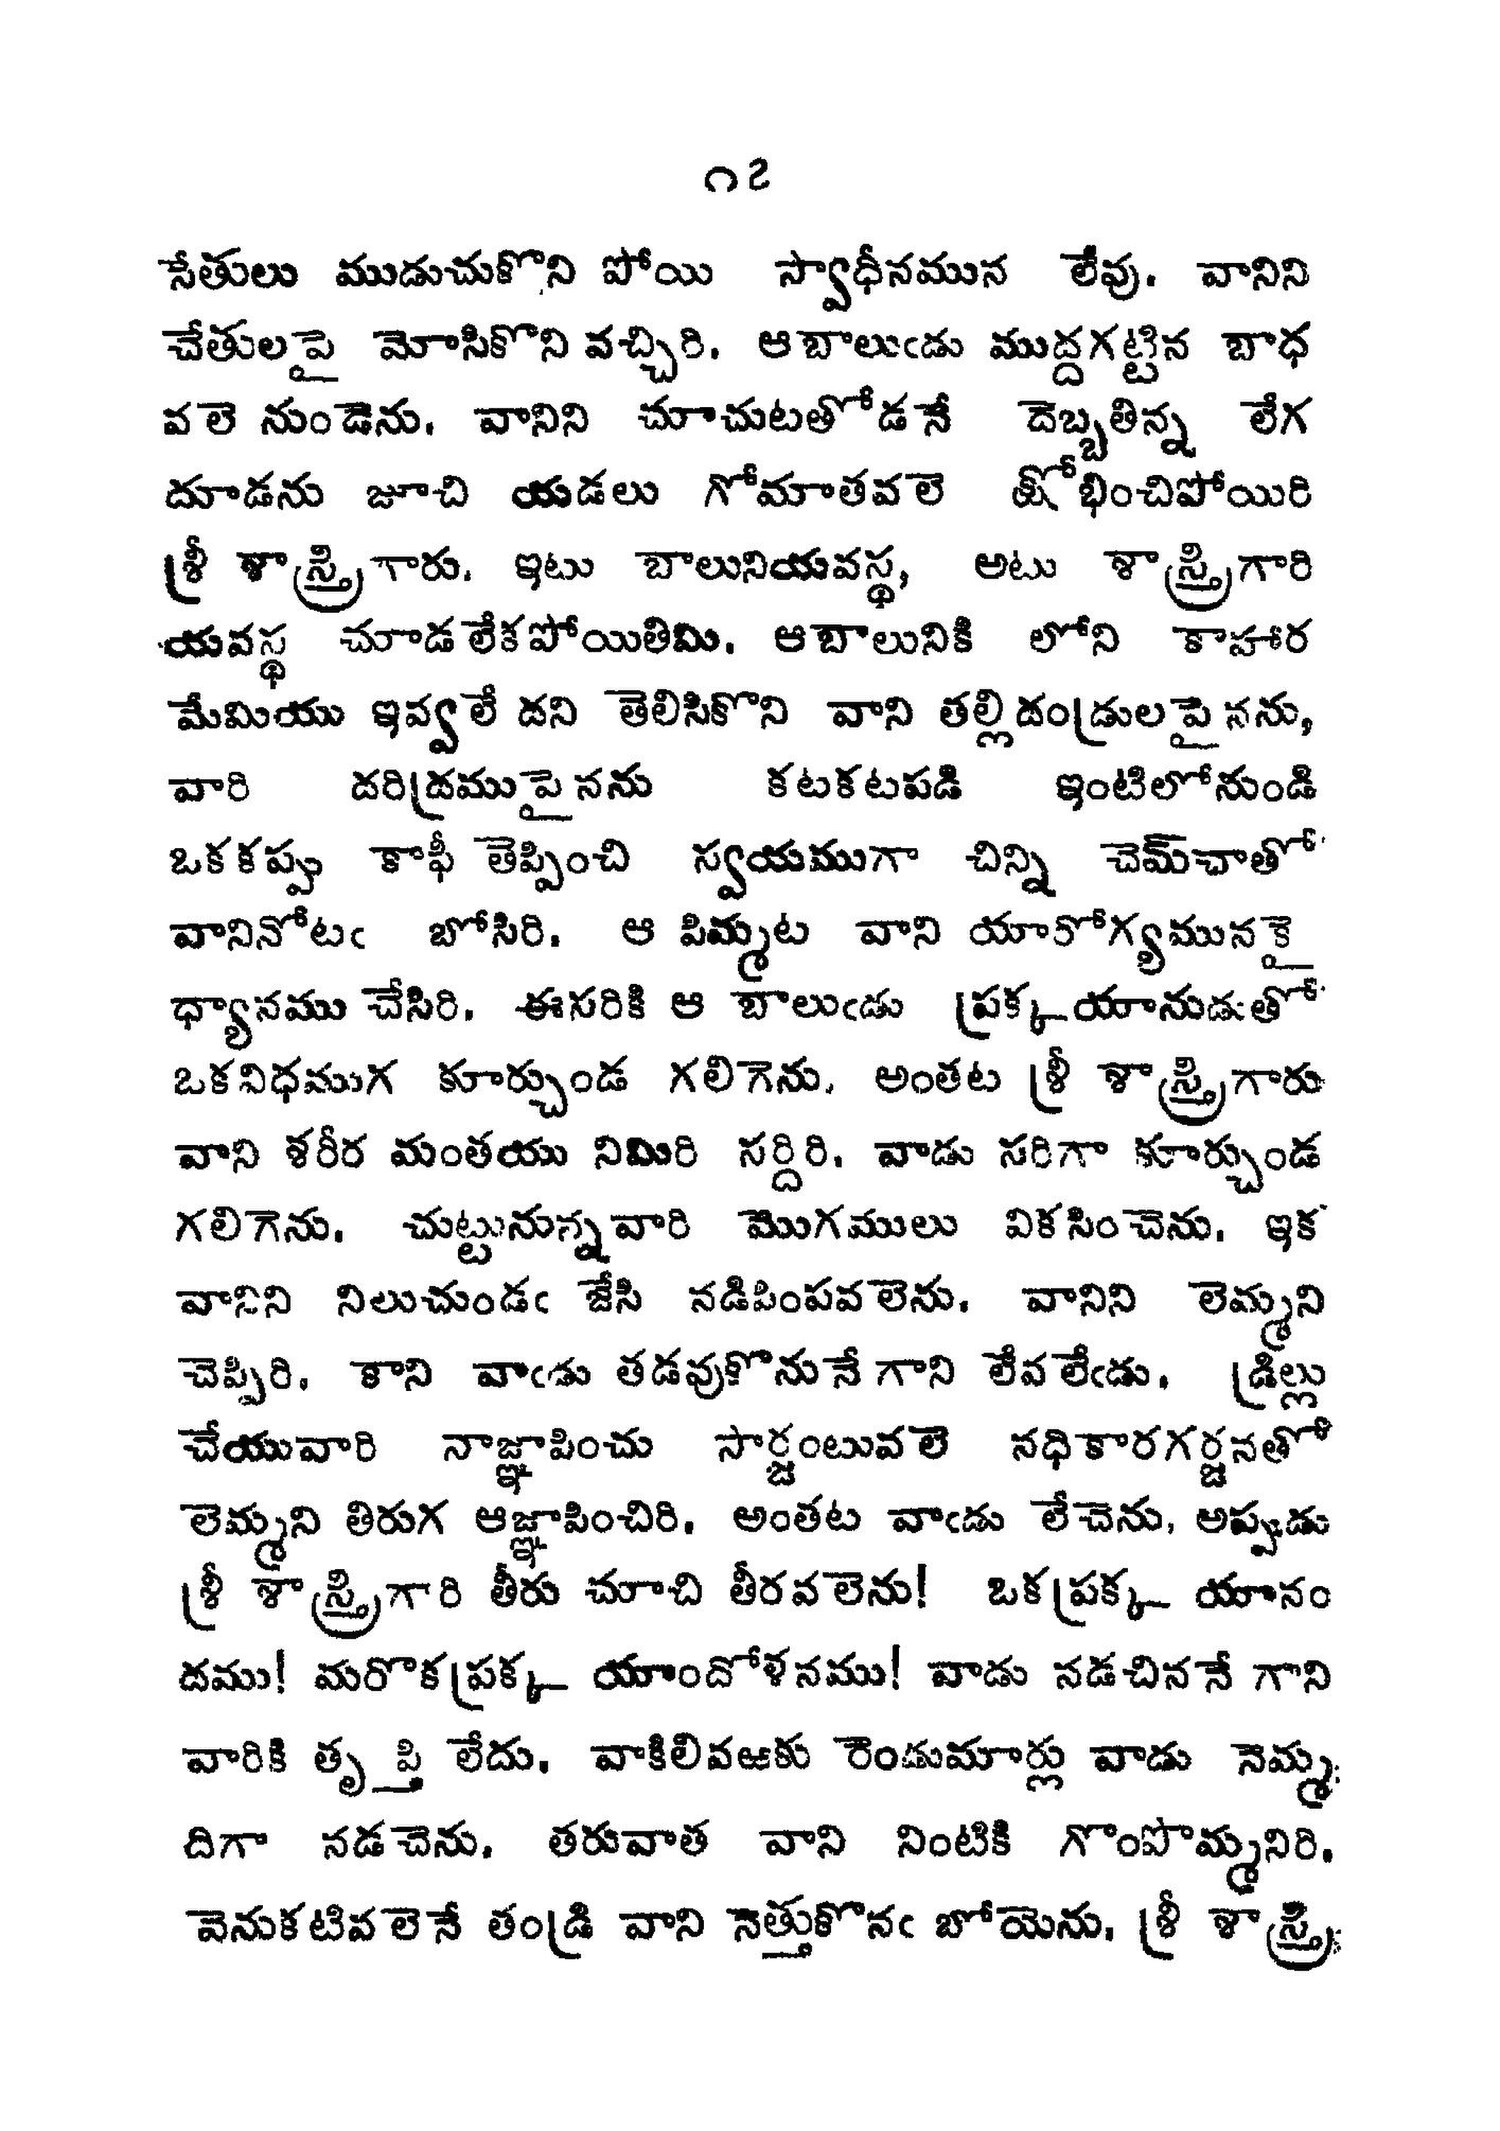సేతులు ముడుచుకొని పోయి స్వాధీనమున లేవు. వానిని చేతులపై మోసికొని వచ్చిరి. ఆ బాలుఁడు ముద్దగట్టిన బాధవలె నుండును. వానిని చూచుటతోడనే దెబ్బతిన్న లేగ దూడను జూచి యడల గోమాత వలె క్షోభించిపోయిరి శ్రీ శాస్త్రిగారు. ఇటు బాలునియవస్ద, అటు శాస్త్రిగారి యవస్ద చూడలేక పోయితిమి. ఆబాలునికి లోని కాహారమేమియు ఇవ్వలేదని తెలిసికొని వాని తల్లిదండ్రుల పైనను, వారి దరిద్రము పైనను కటకపడి ఇంటిలో నుండి ఒకకప్పు కాఫీ తెప్పించి స్వయముగా చిన్ని చెమ్చాతో వానినోటఁ బోసిరి. ఆ పిమ్మట వాని యారోగ్యమునకై ధ్యానము చేసిరి. ఈసరికి ఆ బాలుఁడు ప్రక్క యానుడుతో ఒక విధముగ కూర్చుండ గలిగెను. అంతట శ్రీ శాస్త్రిగారు వాని శరీరమంతయు నిమిరి సర్దిరి. వాడు సరిగా కూర్చుండ గలిగెను. చుట్టునున్న వారి మొగములు వికసించెను. ఇక వానిని నిలుచుండఁ జేసి నడిపింప వలెను. వానిని లెమ్మని చెప్పిరి. కాని వాఁడు తడుపు కొనునే గాని లేవలేఁడు. డ్రిల్లు చేయువారి నాజ్ఞాపించు సార్జంటు వలె నధికార గర్జనతో లెమ్మని తిరుగ ఆజ్ఞాపించిరి. అంతట వాఁడు లేచెను. అప్పుడు శ్రీ శాస్త్రి గారి తీరు చూచి తీరవలెను! ఒకప్రక్క యానందము! మరొకప్రక్క యాందోళనము! వాడు నడచి ననే గాని వారికి తృప్తి లేదు. వాకిలివఱకు రెండుమార్లు వాడు నెమ్మదిగా నడచెను. తరువాత వాని నింటికి గొంపొమ్మనిరి. వెనుక టివలెనే తండ్రి వాని నెత్తుకొనఁబోయెను. శ్రీ శాస్త్రి